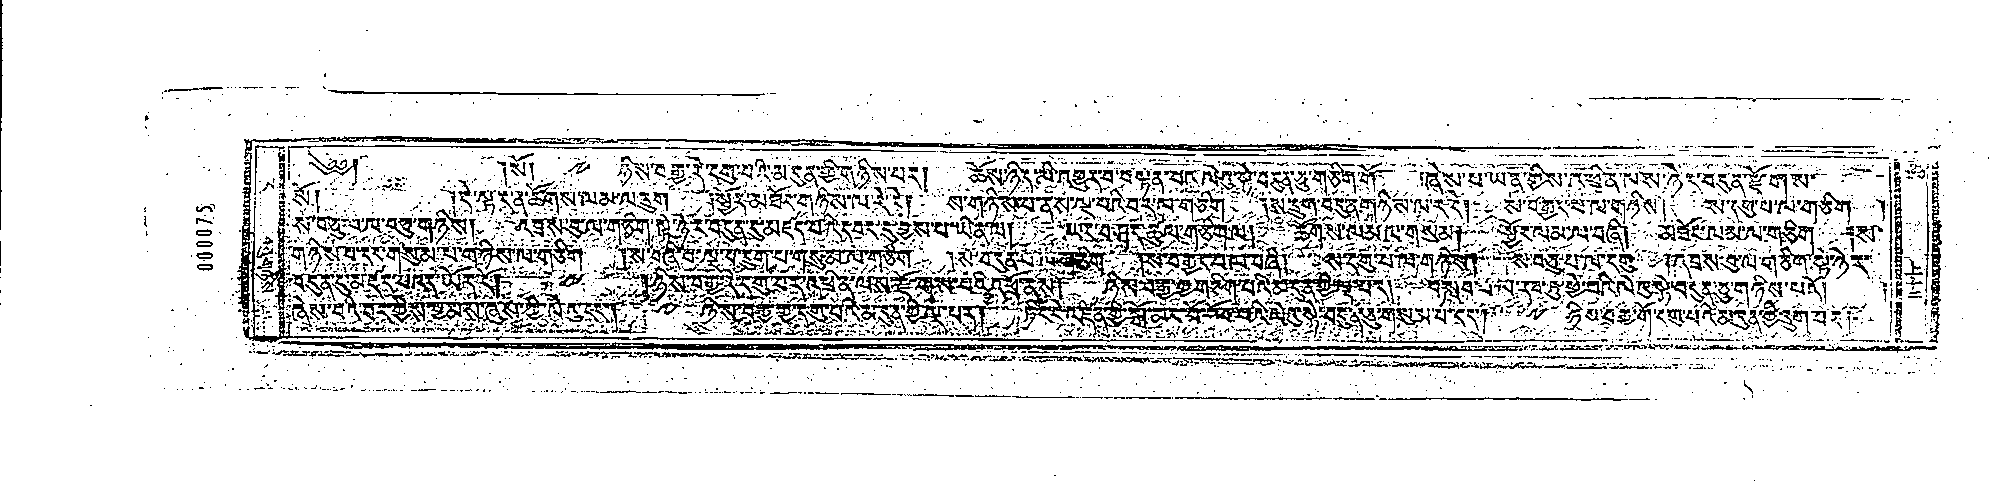༄༅། །སོ། ༧་ཉིས་བརྒྱ་རེ་དགུ་པའི་མདུན་གྱི་གཉིས་པར། ཆོས་ཉིད་མི་འགྱུར་བ་བསྟན་པའི་ལེའུ་སྟེ་བདུན་ཅུ་གཅིག་གོ །ཞེས་པ་ཡན་གྱིས་འཕྲིན་ལས་ཉེར་བདུན་རྫོགས་
སོ། །དེ་ལྟར་ན་ཚོགས་ལམ་ལ་དྲུག །སྦྱོར་མཐོང་གཉིས་ལ་རེ་རེ། ས་གཉིས་པ་ནས་ལྔ་པའི་བར་ལ་གཅིག །ས་དྲུག་བདུན་གཉིས་ལ་རེ་རེ། ས་བརྒྱད་པ་ལ་གཉིས། ས་དགུ་པ་ལ་གཅིག་
ཨུངས་སོ། །མདོ་ཚིག་ནི་
འབྲས་བུ་ལ་གཅིག་སྟེ་ཉེར་བདུན་དུ་མཛད་པའི་དབང་དུ་བྱས་པ་ཡིན་ལ། ཡང་བཤད་ཚུལ་གཅིག་ལ། ཚོགས་ལམ་ལ་གསུམ། སྦྱོར་ལམ་ལ་བཞི། མཐོང་ལམ་ལ་གཅིག །ས་
གཉིས་པ་དང་གསུམ་པ་གཉིས་ལ་གཅིག །ས་བཞི་པ་ལྔ་པ་དྲུག་པ་གསུམ་ལ་གཅིག །ས་བདུན་པ་ལ་གཅིག །ས་བརྒྱད་པ་ལ་བཞི། ས་དགུ་པ་ལ་གཉིས། ས་བཅུ་པ་ལ་དགུ། །འབྲས་བུ་ལ་གཅིག་སྟེ་ཉེར་
བདུན་དུ་མཛད་པའང་ཡོད་དོ། ༧་།ཉིས་བརྒྱ་རེ་དགུ་བར་འཕྲིན་ལས་རྫོགས་པའི་འཕྲོ་ནས། ཉིས་བརྒྱ་གྱ་གཅིག་པའི་མདུན་གྱིས་ལྔ་པར། བསླབ་པ་ལ་རབ་ཏུ་ཕྱེ་བའི་ལེའུ་སྟེ་བདུན་ཅུ་གཉིས་པའོ། །
ཞེས་བའི་བར་གྱིས་བྱམས་ཞུས་ཀྱི་ལེའུ་དང་། ༧་ཉིས་བརྒྱ་གྱ་དགུ་པའི་མདུན་གྱི་ལྔ་པར། ཏིང་ངེ་འཛིན་གྱི་སྒོ་མང་པོ་ཐོབ་པའི་ལེའུ་སྟེ་བདུན་ཅུ་གསུམ་པ་དང་། ༧་ཉིས་བརྒྱ་དགུ་པའི་མདུན་གྱི་དྲུག་པར།